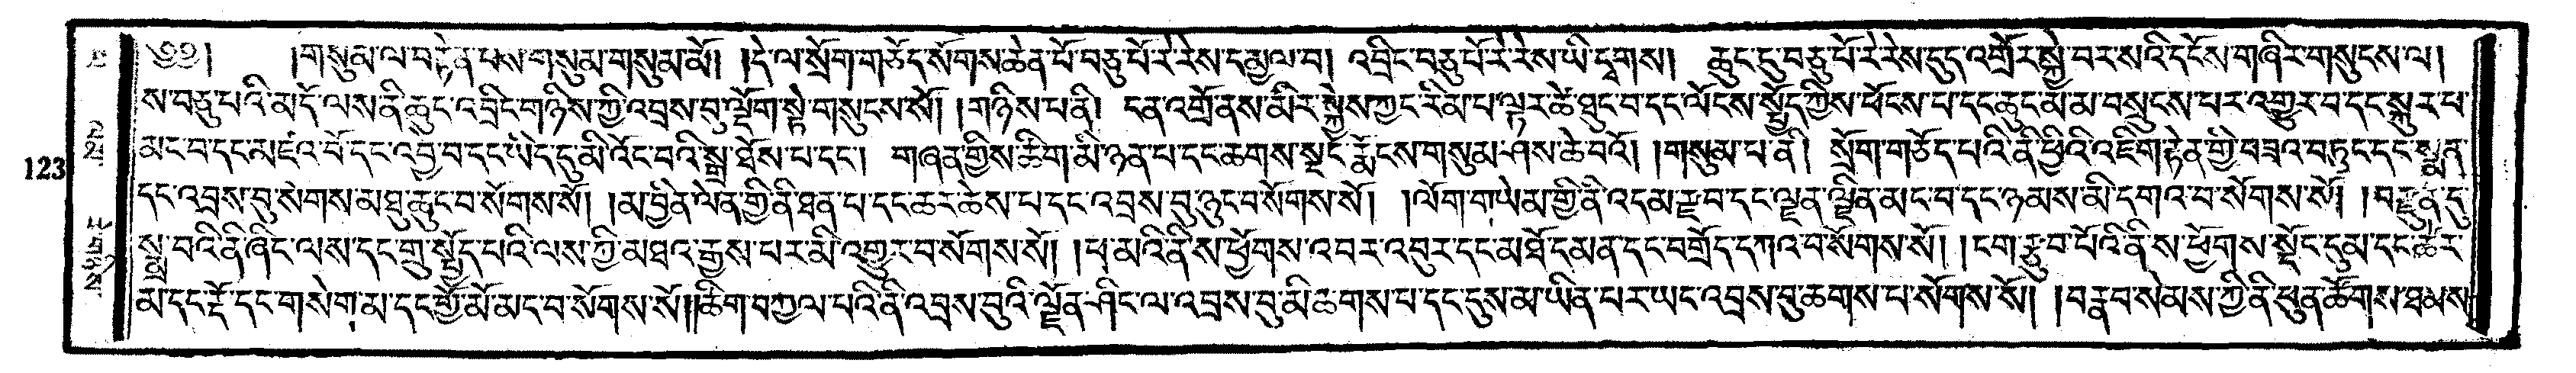༄༅། །གསུམ་ལ་བརྟེན་པས་གསུམ་གསུམ་མོ། །དེ་ལ་སྲོག་གཅོད་སོགས་ཆེན་པོ་བཅུ་པོ་རེ་རེས་དམྱལ་བ། འབྲིང་བཅུ་པོ་རེ་རེས་ཡི་དྭགས། ཆུང་དུ་བཅུ་པོ་རེ་རེས་དུད་འགྲོར་སྐྱེ་བར་སའི་དངོས་གཞིར་གསུངས་ལ།
ས་བཅུ་པའི་མདོ་ལས་ནི་ཆུང་འབྲིང་གཉིས་ཀྱི་འབྲས་བུ་ལྡོག་སྟེ་གསུངས་སོ། །གཉིས་པ་ནི། ངན་འགྲོ་ནས་མིར་སྐྱེས་ཀྱང་རིམ་པ་ལྟར་ཚེ་ཐུང་བ་དང་ལོངས་སྤྱོད་ཀྱིས་ཕོངས་པ་དང་ཆུང་མ་མ་བསྲུངས་པར་འགྱུར་པ་དང་སྐུར་པ་
མང་བ་དང་མཛའ་བོ་དང་འབྱེ་བ་དང་ཡིད་དུ་མི་འོང་བའི་སྒྲ་ཐོས་པ་དང་། གཞན་གྱིས་ཚིག་མི་ཉན་པ་དང་ཆགས་སྡང་རྨོངས་གསུམ་ཤས་ཆེ་བའོ། །གསུམ་པ་ནི། སྲོག་གཅོད་པའི་ནི་ཕྱིའི་འཇིག་རྟེན་གྱི་བཟའ་བཏུང་དང་སྨན་
དང་འབྲས་བུ་སེགས་མཐུ་ཆུང་བ་སོགས་སོ། །མ་བྱིན་ལེན་གྱི་ནི་ཐན་པ་དང་ཆར་ཆེས་པ་དང་འབྲས་བུ་ཉུང་བ་སོགས་སོ། །ལོག་གཡེམ་གྱི་ནི་འདམ་རྫབ་དང་ལྗན་ལྗིན་མང་བ་དང་ཉམས་མི་དགའ་བ་སོགས་སོ། །བརྫུན་དུ་
སྨྲ་བའི་ནི་ཞིང་ལས་དང་གྲུ་སྤྱོད་པའི་ལས་ཀྱི་མཐའ་རྒྱས་པར་མི་འགྱུར་བ་སོགས་སོ། །ཕ་མའི་ནི་ས་ཕྱོགས་འབར་འབུར་དང་མཐོ་དམན་དང་བགྲོད་དཀའ་བ་སོགས་སོ། །ངག་རྩུབ་པོའི་ནི་ས་ཕྱོགས་དོང་དུ་མ་དང་ཚེར་
མ་དང་རྡོ་དང་གསེག་མ་དང་གྱོ་མོ་མང་བ་སོགས་སོ། །ཚིག་བཀྱལ་པའི་ནི་འབྲས་བུའི་ལྗོན་ཤིང་ལ་འབྲས་བུ་མི་ཆགས་པ་དང་དུས་མ་ཡིན་པར་ཡང་འབྲས་བུ་ཆགས་པ་སོགས་སོ། །བརྣབ་སེམས་ཀྱི་ནི་ཕུན་ཚོགས་ཐམས་